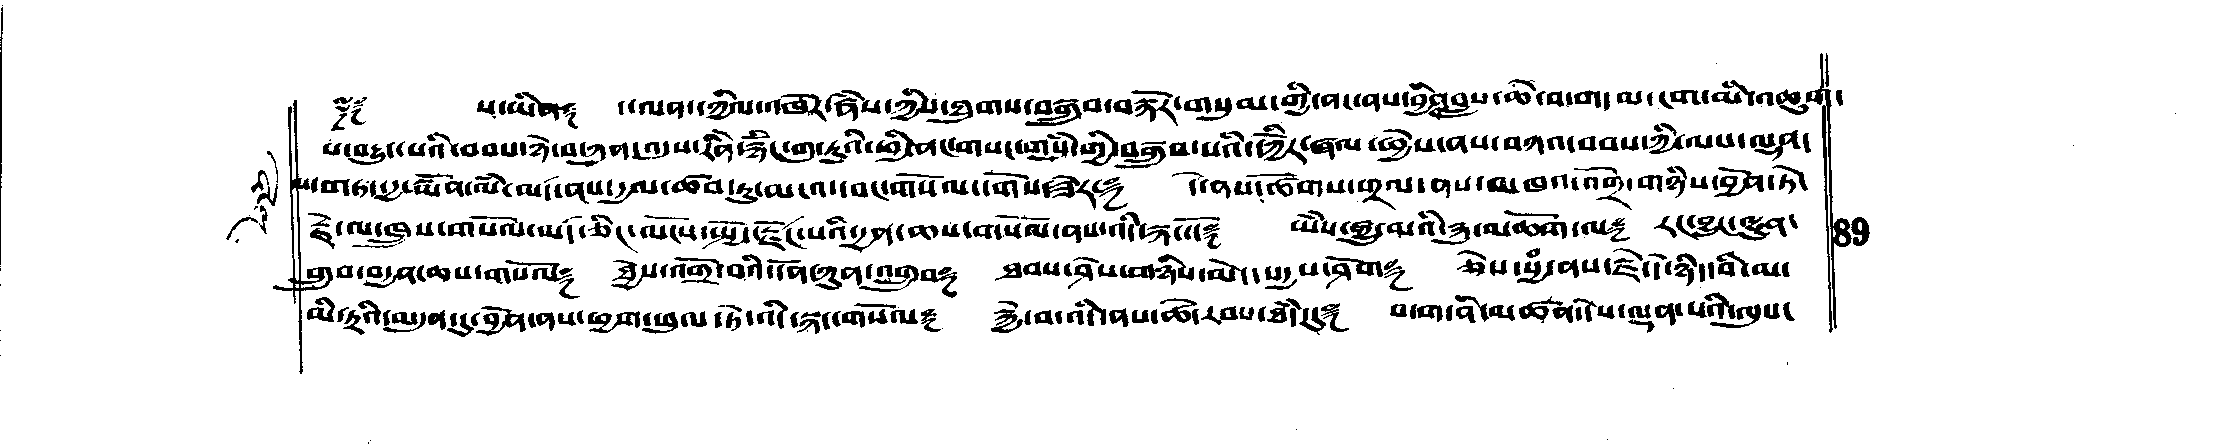པ་ཡིན། ད་ལན་དཀྱིལ་འཁོར་རྣམས་ཀྱིས་ཐུགས་སྒྲུབ་སྐོར་གསུམ་གྱི་ནང་ནས་བྱིན་རླབས་ཆེ་བ་གདམ་ངག་མི་འཆུག་
པ་བརྒྱུད་པའི་བབ་ཉེ་བ་ཀུན་འདུས་རིན་ཆེན་སྙིང་པོ་གུ་རུའི་ཕྱི་ནང་གསང་གསུམ་གྱི་སྒྲུབ་པའི་དཀྱིལ་འཁོར་ཞལ་ཕྱེས་ནས་བཀའ་བབས་ཀྱི་ལས་ལྡན་
ལ་གཏད་རྒྱ་སྨོན་ལམ་མཛད་ནས་རྒྱལ་ཚབ་ཏུ་མངའ་དབང་གསོལ་དགོས་ཟེར།དེ་ནས་ཚོགས་གྲལ་ནས་མཁའ་འགྲོ་གཉིས་བྱོན་ཏེ་
རྗེ་ལ་ཁྲུས་གསོལ་མཛད་ཅིང་ལོངས་སྤྱོད་རྫོགས་པའི་རྒྱན་ཆས་གསོལ་ནས་འདི་སྐད་དོ། ཡེ་ཤེས་སྒྱུ་མའི་སྐུ་མཆོག་ལ། །རང་འབྱུང་ལྷུན་
གྲུབ་བརྒྱན་ཆས་གསོལ། །ཐུགས་རྗེས་འགྲོ་བའི་དོན་ཀུན་འགྲུབ། །ཐབས་ཤེས་གཉིས་མེད་སངས་རྒྱས་ཤོག །ཅེས་གསུངས་ནས་རྗེ་དེ་ཉིད་བི་མ་
མི་ཏྲའི་མདུན་དུ་བྱོན་ནས་ཕྱག་ཕུལ་ཏེ་འདི་སྐད་གསོལ། སྐྱེ་བ་འདི་ནས་ཚེ་རབས་ཐམས་ཅད་དུ། །བདག་ནི་མཚན་དཔེ་ལྡན་པའི་ལུས་